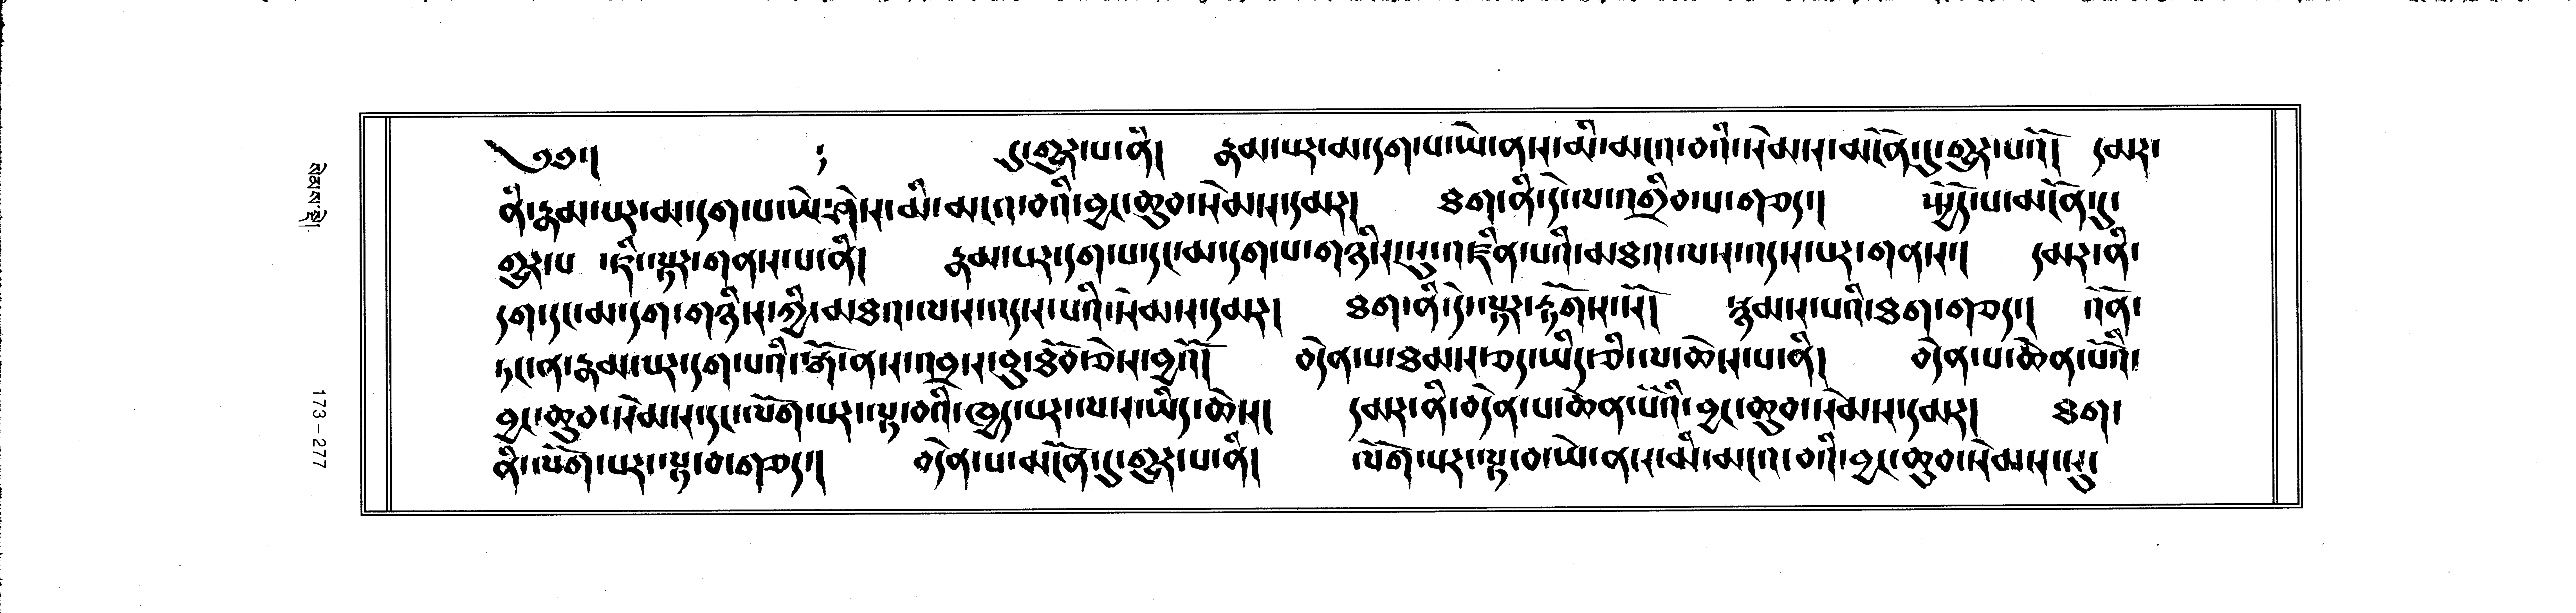དུ་གྱུར་པ་ནི། རྣམ་པར་མ་དག་པ་ཡེ་ནས་མི་མངའ་བའི་སེམས་མངོན་དུ་གྱུར་པའོ། །དམར་
ནི་རྣམ་པར་མ་དག་པ་ཡེ་ཤེས་མི་མངའ་བའི་བྱང་ཆུབ་སེམས་དམར། ཐག་ནི་དེ་ལ་འགྲིབ་པ་གཅད། སྤྱོད་པ་མངོན་དུ་
གྱུར་པ་ཇི་ལྟར་གནས་པ་ནི། རྣམ་པར་དག་པ་དང་མ་དག་པ་གཉིས་སུ་འཛིན་པའི་མཐའ་ལས་འདས་པར་གནས། དམར་ནི་
དག་དང་མ་དག་གཉིས་སུ་འཛིན་པའི་སེམས་དམར། ཐག་ནི་དེ་ལྟར་རྟོགས་སོ། སྙམས་པའི་ཐག་གཅད། འོན་
ཏང་ན་རྣམ་པར་དག་པའི་སྒོ་ནས་འབྲས་བུ་ཐོབ་ཅེས་བྱའོ། །བདེན་པ་ཐམས་ཅད་ཡིད་ཅི་ལ་ཆེས་པ་ནི། བདེན་པ་ཆེན་པོའི་
བྱང་ཆུབ་སེམས་དང་ལོག་པར་ལྟ་བའི་ཁྱད་པར་ལ་ཡིད་ཆེས། དམར་ནི་བདེན་པ་ཆེན་པོའི་བྱང་ཆུབ་ཀྱི་སེམས་དམར། ཐག་
ནི་ལོག་པར་ལྟ་བ་གཅད། བདེན་པ་མངོན་དུ་གྱུར་པ་ནི། ལོག་པར་ལྟ་བ་ཡེ་ནས་མི་མངའ་བའི་བྱང་ཆུབ་སེམས་སུ་